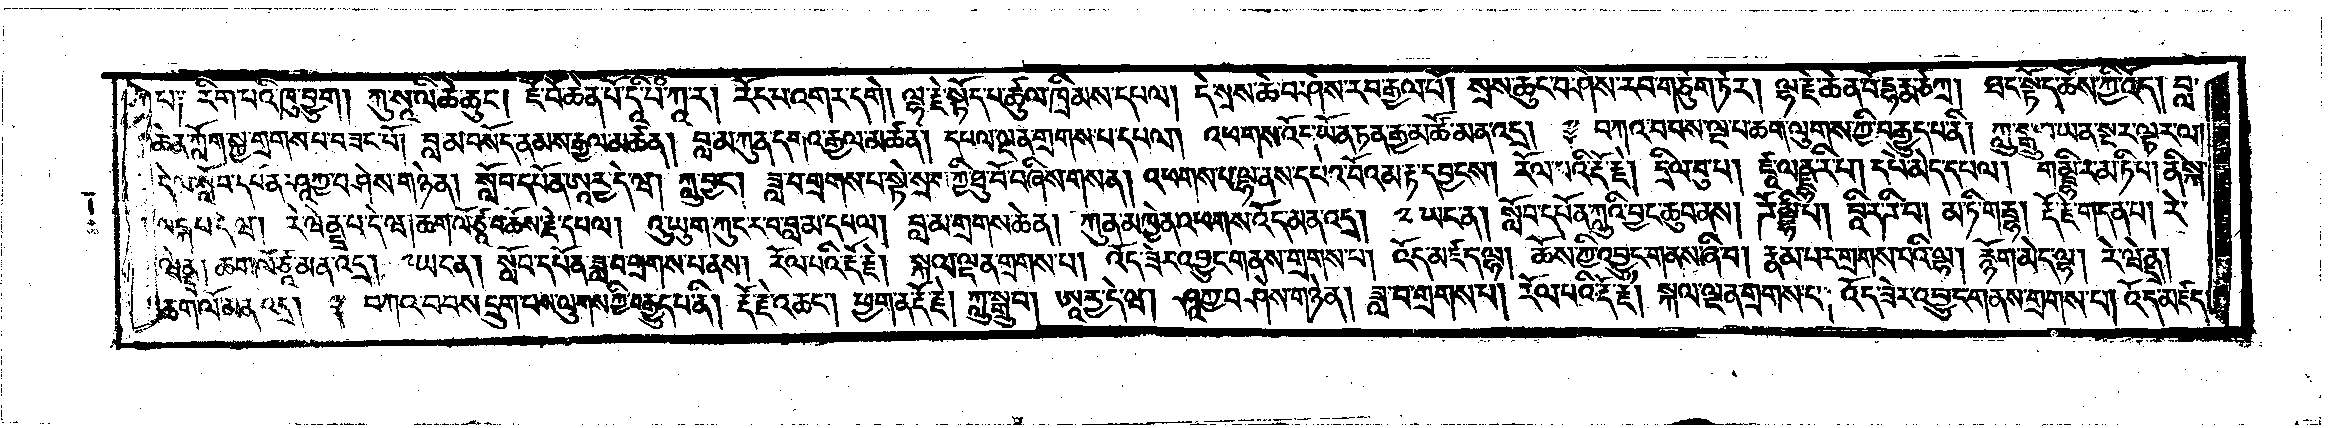པ༑ རིག་པའི་ཁུ་བྱུག། ཀུ་སཱ་ལི་ཆེ་ཆུང་། ཇོ་བོ་ཆེན་པོ་དཱི་པཾ་ཀཱ་ར། རོང་པ་འགར་དགེ། ལྷ་རྗེ་སྟོད་པ་ཚུལ་ཁྲིམས་དཔལ། དེ་སྲས་ཆེ་བ་ཤེས་རབ་རྒྱལ་པོ། སྲས་ཆུང་བ་ཤེས་རབ་གཙུག་ཏེར། ལྷ་རྗེ་ཆེན་པོ་དྷརྨ་ཙཀྲ། ཐང་སྟོད་ཆོས་ཀྱི་འོད། བླ་
ཆེན་ཀློག་སྐྱ་གྲགས་པ་བཟང་པོ། བླ་མ་བསོད་ནམས་རྒྱལ་མཚན། བླ་མ་ཀུན་དགའ་རྒྱལ་མཚན། དཔལ་ལྡན་གྲགས་པ་དཔལ། འཕགས་འོད་ཡོན་ཏན་རྒྱ་མཚོ་མན་འདྲ། འ་བཀའ་བབས་ལྔ་པ་ཆག་ལུགས་ཀྱི་བརྒྱུད་པ་ནི། ཀླུ་སྒྲུབ་ཡན་སྔར་ལྟར་ལ།
དེ་ཁ་སློབ་དཔོན་ཤཱཀྱ་བཤེས་གཉེན། སློབ་དཔོན་ཨའྲྱ་དེ་ལྭ། དེ་ཁ་སློབ་དཔོན་ཤཱཀྱ་བཤེས་གཉེན། སློབ་དཔོན་ཨའྲྱ་དེ་ལྭ། འཕགས་པ་ལྷ་ནས་དཔའ་བོའམ་རྟ་དབྱངས། རོལ་པའི་རྡོ་རྗེ། དྲིལ་བུ་པ། ཛཱ་ལནྡྷ་རི་པ། དཔེ་མེད་དཔལ། གམྦྷི་རམ་ཏི་པ། ནི་སྐ་
བངྐ་པ་དེ་ཝ། རེ་ཝེནྡྲ་པ་དེ་ཝ། ཆག་ལོ་ཙཱ་བ་ཆོས་རྗེ་དཔལ། འུ་ཡུག་ཀུང་ར་བ་བླ་མ་དཔལ། བླ་མ་གྲགས་ཆེན། ཀུན་མཁྱེན་འཕགས་འོད་མན་འདྲ། ༧ཡང་ན། སློབ་དཔོན་ཀླུའི་བྱང་ཆུབ་ནས། ཌོམྦྷི་པ། བཱི་ར་ཊི་པ། མ་ཏི་གརྦྷ། རྡོ་རྗེ་གདན་པ། རེ་
ཝེནྡྲ། ཆག་ལོ་ཙཱ་མན་འདྲ། ༧་ཡང་ན། སློབ་དཔོན་ཟླ་བ་གྲགས་པ་ནས། རོལ་པའི་རྡོ་རྗེ། སྐལ་ལྡན་གྲགས་པ། འོད་ཟེར་འབྱུང་གནས་གྲགས་པ། འོད་མཛད་ལྷ། ཆོས་ཀྱི་འབྱུང་གནས་ཞི་བ། རྣམ་པར་གྲགས་པའི་ལྷ། རྙོག་མེད་ལྷ། རེ་ཝེནྡྲ།
ཆག་ཁོ་མན་འདྲ། འ་བཀའ་བབས་དྲུག་པས་ལུགས་ཀྱི་བརྒྱུད་པ་ནི། རྡོ་རྗེ་འཆང་། ཕྱག་ན་རྡོ་རྗེ། ཀླུ་སྒྲུབ། ཨཱརྱ་དེ་ཝ། ཤཱཀྱ་བཤེས་གཉེན། ཟླ་བ་གྲགས་པ། རོལ་པའི་རྡོ་རྗེ། སྐལ་ལྡང་རགས་པ། འོད་ཟེར་འབྱུང་གནས་གྲགས་པ། འོད་མཛད་